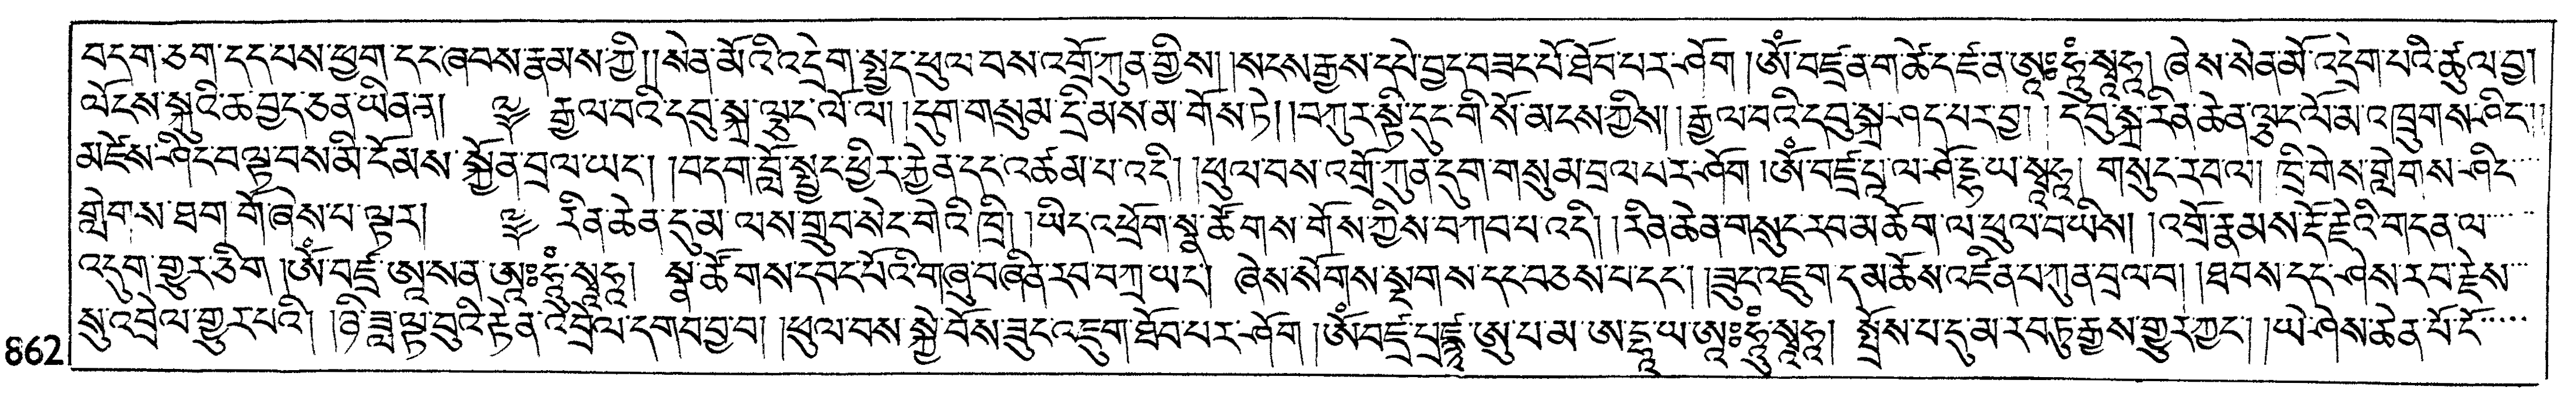བདག་ཅག་དད་པས་ཕྱག་དང་ཞབས་རྣམས་ཀྱི། །སེན་མོའི་འདྲེག་སྤྱད་ཕུལ་བས་འགྲོ་ཀུན་གྱིས། །སངས་རྒྱས་དཔེ་བྱད་བཟང་པོ་ཐོབ་པར་ཤོག །ཨོཾ་བཛྲ་ན་ག་ཚེ་ད་ཛ་ན་ཨཱཿ ཧཱུཾ་སྭཱཧཱ། ཞེས་སེན་མོ་འདྲེག་པའི་ཚུལ་བྱ།
ལོངས་སྐུའི་ཆ་བྱད་ཅན་ཡིན་ན། ༈ རྒྱལ་བའི་དབུ་སྐྲ་ལྕང་ལོ་ལ། །དུག་གསུམ་དྲི་མས་མ་གོས་ཏེ། །བཀུར་སྟི་དུང་གི་སོ་མངས་ཀྱིས། །རྒྱལ་བའི་དབུ་སྐྲ་ཤད་པར་བྱ། །དབུ་སྐྲ་རིན་ཆེན་ལྕང་ལོ་མ་འཁྲུགས་ཤིང་། །
མཛེས་ཤིང་བལྟ་བས་མི་ངོམས་སྐྱོན་བྲལ་ཡང་། །བདག་བློ་སྤྱང་ཕྱིར་རྐྱེན་དང་འཚམ་པ་འདི། །ཕུལ་བས་འགྲོ་ཀུན་དུག་གསུམ་བྲལ་བར་ཤོག །ཨོཾ་བཛྲ་པཱ་ལ་ཤོ་དྷ་ཡ་སྭཱཧཱ། གསུང་རབ་ལ། ཁྲི་གེས་གླེགས་ཤིང་
གླེགས་ཐག་གོ་ཞེས་པ་ལྟར། ༈ རིན་ཆེན་དུ་མ་ལས་གྲུབ་སེང་གེའི་ཁྲི། །ཡིད་འཕྲོག་སྣ་ཚོགས་གོས་ཀྱིས་བཀབ་པ་འདི། །རིན་ཆེན་གསུང་རབ་མཆོག་ལ་ཕུལ་བ་ཡིས། །འགྲོ་རྣམས་རྡོ་རྗེའི་གདན་ལ་
འདུག་གྱུར་ཅིག །ཨོཾ་བཛྲ་ཨཱ་ས་ན་ཨཱཿ ཧཱུཾ་སྭཱཧཱ། སྣ་ཚོགས་དབང་པོའི་གཞུ་བཞིན་རབ་བཀྲ་ཡང་། ཞེས་སོགས་སྔགས་དང་བཅས་པ་དང་། །ཟུང་འཇུག་དམ་ཆོས་འཛིན་པ་ཀུན་བྲལ་བ། །ཐབས་དང་ཤེས་རབ་རྗེས་
སུ་འབྲེལ་གྱུར་པའི། །ཉི་ཟླ་ལྟ་བུའི་རྟེན་འབྲེལ་དགབ་བྱ་བ། །ཕུལ་བས་སྐྱེ་བོས་ཟུང་འཇུག་ཐོབ་པར་ཤོག །ཨོཾ་བཛྲ་པྲཛྙཱ་ཨུ་པ་མ་ཨ་དྷཱ་ཡ་ཨཱཿ ཧཱུཾ་སྭཱཧཱ། སྤྲོས་པ་དུ་མ་རབ་ཏུ་རྒྱས་གྱུར་ཀྱང་། །ཡེ་ཤེས་ཆེན་པོ་ངོ་